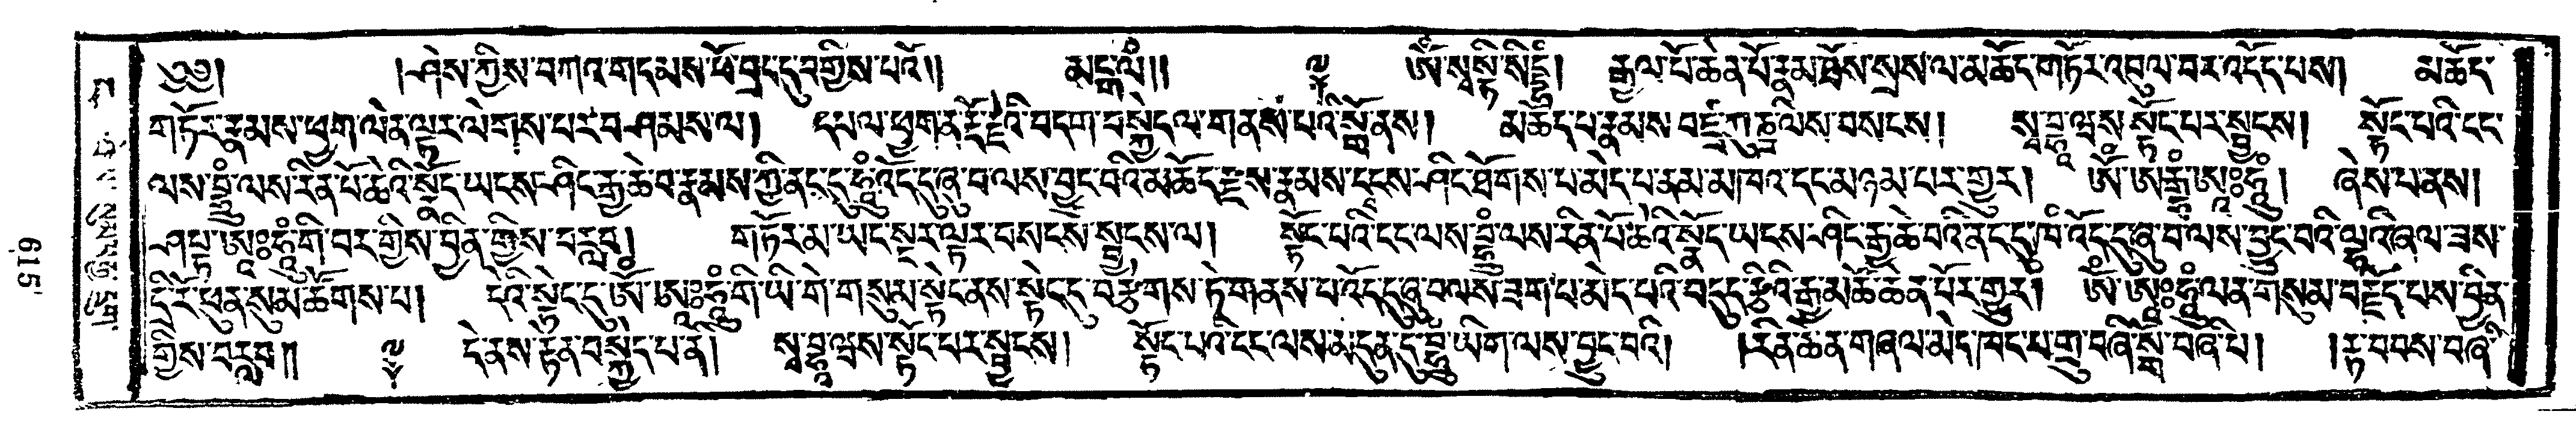༄༅། །ཤེས་ཀྱིས་བཀའ་གདམས་ཕོ་བྲང་དུ་བགྱིས་པའོ།། མངྒ་ལཾ།། ༈ ཨོཾ་སྭསྟི་སིདྡྷཾ། རྒྱལ་པོ་ཆེན་པོ་རྣམ་ཐོས་སྲས་ལ་མཆོད་གཏོར་འབུལ་བར་འདོད་པས། མཆོད་
གཏོར་རྣམས་ཕྱག་ལེན་ལྟར་ལེགས་པར་བཤམས་ལ། དཔལ་ཕྱག་ན་རྡོ་རྗེའི་བདག་བསྐྱེད་ལ་གནས་པའི་སྒོ་ནས། མཆོད་པ་རྣམས་བཛྲ་ཀུཎྜ་ལིས་བསངས། སྭ་བྷཱ་ཝས་སྟོང་པར་སྦྱངས། སྟོང་པའི་ངང་
ལས་བྷྲཱུཾ་ལས་རིན་པོ་ཆེའི་སྣོད་ཡངས་ཤིང་རྒྱ་ཆེ་བ་རྣམས་ཀྱི་ནང་དུ་ཧཱུཾ་འོད་དུ་ཞུ་བ་ལས་བྱུང་བའི་མཆོད་རྫས་རྣམས་དྭངས་ཤིང་ཐོགས་པ་མེད་པ་ནམ་མཁའ་དང་མཉམ་པར་གྱུར། ཨོཾ་ཨརྒྷཾ་ཨཱཿཧཱུཾ། ཞེས་པ་ནས།
ཤཔྟ་ཨཱཿཧཱུཾ་གི་བར་གྱིས་བྱིན་གྱིས་བརླབ། གཏོར་མ་ཡང་སྔར་ལྟར་བསངས་སྦྱངས་ལ། སྟོང་པའི་ངང་ལས་བྷྲཱུཾ་ལས་རིན་པོ་ཆེའི་སྣོད་ཡངས་ཤིང་རྒྱ་ཆེ་བའི་ནང་དུ་ཁཾ་འོད་དུ་ཞུ་བ་ལས་བྱུང་བའི་ལྷའི་ཞལ་ཟས་
དྲི་རོ་ཕུན་སུམ་ཚོགས་པ། དེའི་སྟེང་དུ་ཨོཾ་ཨཱཿཧཱུཾ་གི་ཡི་གེ་གསུམ་སྟེང་ནས་སྟེང་དུ་བརྩེགས་ཏེ་གནས་པ་འོད་དུ་ཞུ་བ་ལས་ཟག་པ་མེད་པའི་བདུད་རྩིའི་རྒྱ་མཚོ་ཆེན་པོར་གྱུར། ཨོཾ་ཨཱཿཧཱུཾ་ལན་གསུམ་བརྗོད་པས་བྱིན་
གྱིས་བརླབ།། ༈ དེ་ནས་རྟེན་བསྐྱེད་པ་ནི། སྭ་བྷཱ་ཝས་སྟོང་པར་སྦྱངས། སྟོང་པའི་ངང་ལས་མདུན་དུ་བྷྲཱུཾ་ཡིག་ལས་བྱུང་བའི། །རིན་ཆེན་གཞལ་མེད་ཁང་པ་གྲུ་བཞི་སྒོ་བཞི་པ། །རྟ་བབས་བཞི་